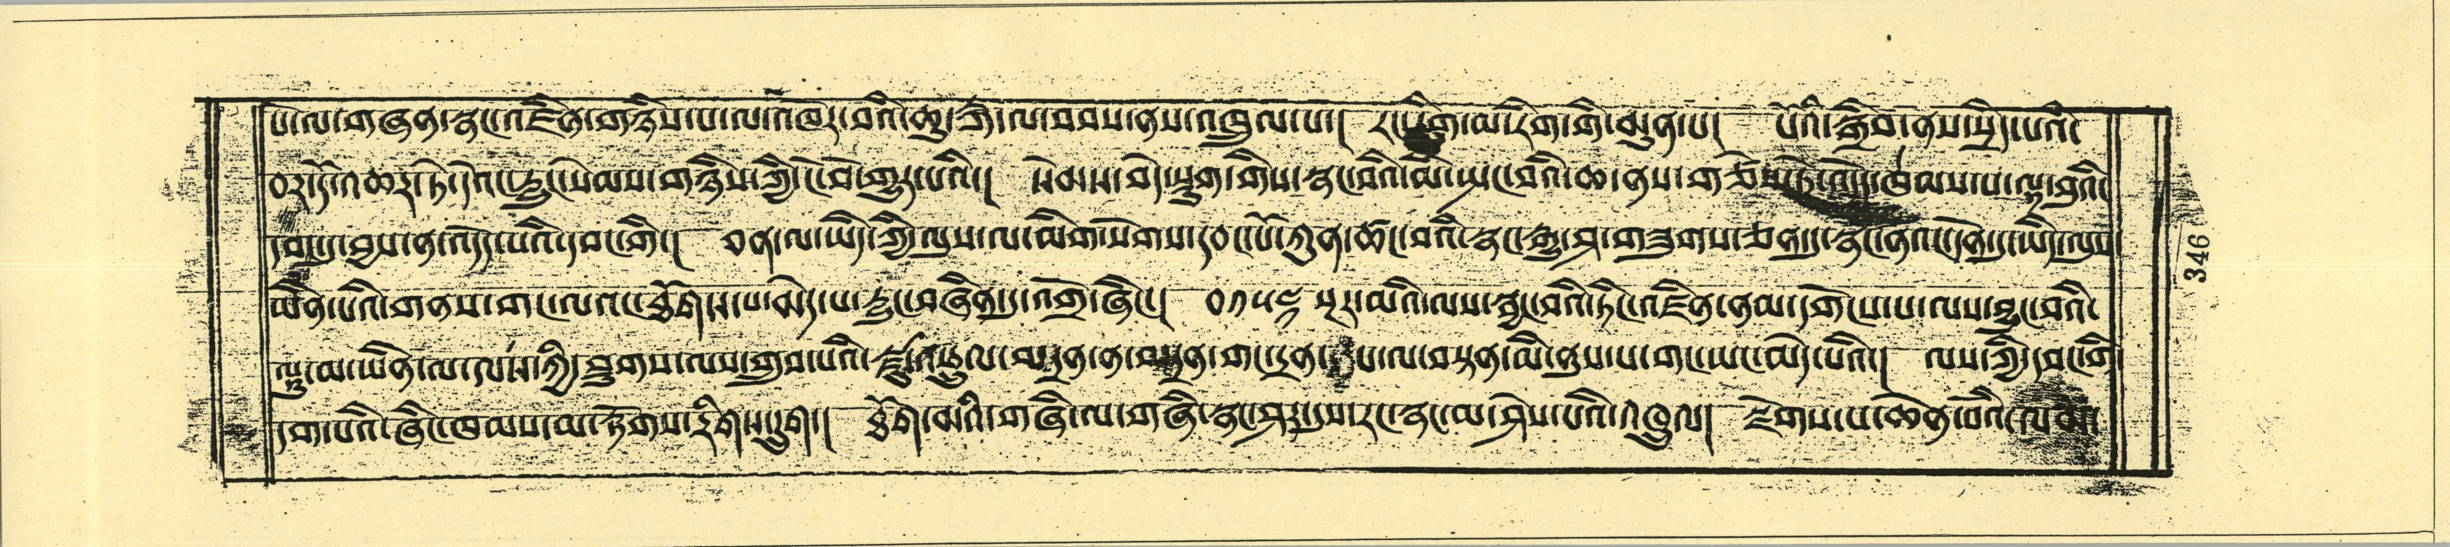༼པོ་༽ལ་གཟན་སྣང་འཛིན་གཉིས་པ་ལ་འཁོར་བའི་ཆུ་རྐ་ལ་བབས་ནས་འཁྲུལ་པ། རང་རིག་མ་རིག་གི་ ༼མུན་པ།༽ ༼པོའི་༽སྒྲིབ་ནས་སྲིད་པའི་ 
༼བར་དོ་འཆར་༽ཏེ་དེའང་རླུང་སེམས་གཉིས་ཀྱི་ངོ་བོ་གྱུར་པའི། ༼སེམས་༽བདེ་སྡུག་གིས་སྣང་བའི་མི་སྤང་བའི་ཆ་ནས་གཙེས་ཏེ་འདོད་ཁམས་པ་ལྟ་བུའི་
དབང་དུ་བྱས་ན་འདོད་པའི་དབང་གི། ༼ཅན་༽ལ་ཡིད་ཀྱི་ལུས་ལ་མིག་སོགས་ ༼དབང་པོ་ཀུན་ཚང་༽བའི་སྣང་རྒྱུ་ཤ་གཟུགས་ཅན་དུ་སྣང་ནའང་དོན་དུ་ཡིད་ལུས་
ཡིན་པའི་གནས་གང་ལའང་ ༼ཐོགས་༽པ་ ༼མེད་༽པ་རླུང་བཞིན་དུ་འགྲོ་ཞིང། བ༡༥༤།༡ སྔར་མའི་ལས་སྦྱང་བའི་ཏིང་འཛིན་ནམ་དགོངས་པ་ལས་བྱུང་བའི་
ལྟ་བུ་མ་ཡིན་ལ་ ༼ལས་ཀྱི་༽བླུགས་ལས་གྲུབ་པའི་ ༼རྫུ་འཕྲུལ་༽བ་དྲན་ན་བསྲན་གང་དྲན་པ་ལ་བསྟན་མི་ནུས་པ་གང་ཡང་མེད་པའི། ལས་ཀྱི་དབང་གི་
དག་པའི་ཞིང་ཁམས་མ་རྟོགས་ ༼རིགས་དྲུག༽ ༼ཐོག་མའི་༽གཞི་ལ་གཞི་སྣང་ཤར་དུས་རང་སྣང་མ་ཤེས་པའི་ ༼འཁྲུལ།༽སྫོགས་པ་ཆེན་པོའི་ ༼ལམ་༽